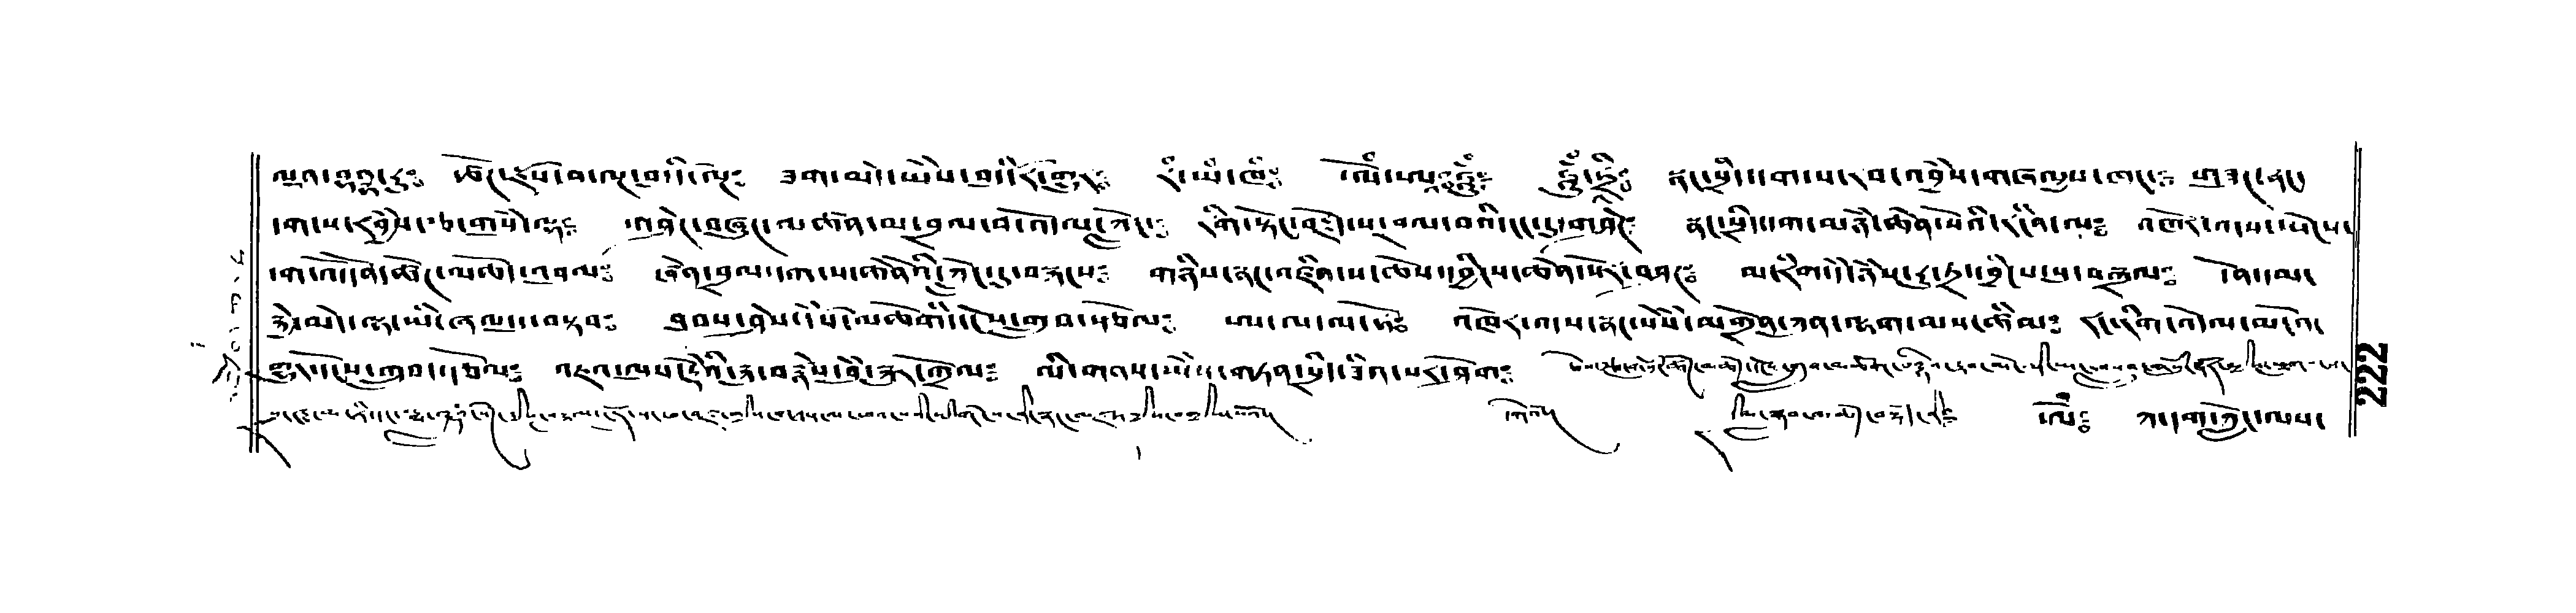ལྡན་བྷནྡྷ་རུ༔ ཚོགས་རྫས་ཤ་ལྔ་བདུད་རྩི་ལྔ༔ ཟག་མེད་ཡེ་ཤེས་བདུད་རྩི་གྱུར༔ རཾ་ཡཾ་ཁཾཿ ཨོཾ་ཨཱཿཧཱུྃ༔ ཧཱུྃ་ཧྲཱིཿ སྣང་སྲིད་དག་པ་རབ་འབྱམས་གཞལ་ཡས་ཁང༔ གཟུགས་སྣང་
དག་པ་རབ་འབྱམས་རྩ་གསུམ་ལྷ༔ གཤེགས་བཞུགས་མཚན་མ་བྲལ་བ་འོད་གསལ་ཀློང༔ རིག་སྟོང་བརྗོད་པ་བྲལ་བའི་ངང་དུ་གཤེགས༔ སྣང་སྲིད་དག་མཉམ་ཆེན་པོའི་རང་བཞིན་ལ༔ འཁོར་འདས་ཡོངས་
དག་འདོད་ཡོན་ཚོགས་མཆོད་འབུལ༔ ཞེན་བྲལ་དག་པ་ཆེན་པོའི་ཀློང་དུ་བསྐངས༔ གཉིས་སྣང་འཛིན་པ་ཆོས་དབྱིངས་ཆེན་པོར་བཤགས༔ མ་རིག་དམ་ཉམས་རུ་ཏྲ་དབྱིངས་སུ་བསྒྲལ༔ དོན་དམ་
སྐྱེ་མེད་ལྷ་ཡི་ཞལ་དུ་བསྟབ༔ཐབས་ཤེས་དམ་རྫས་མཆོག་གི་དངོས་གྲུབ་སྩོལ༔ ཨ་ལ་ལ་ཧོཿ འཁོར་འདས་སྣང་སེམས་མགྲོན་ཀུན་ལྷག་མས་ཚིམས༔ རང་རིག་འོད་གསལ་མངོན་
གྱུར་དངོས་གྲུབ་སྩོལ༔ འཇའ་ལུས་རྡོ་རྗེའི་སྐུ་བརྙེས་བུམ་སྐུར་གྲོལ༔ མི་གནས་ཡེ་ཤེས་གཏན་སྲིད་ཟིན་པར་ཤོག༔ ཅེས་རྩ་གསུམ་ཚོགས་མཆོད་དངོས་གྲུབ་མཆོག་བརྙེས་ཟབ་མོ་འདི་ཡང་བསླབ་གསུམ་རྣལ་འབྱོར་གྱིས་ཕྱུག་པ་
པྲ་ཝ་མ་ཏི་དང་པདྨ་ལྷུན་འགྲུབ་སོགས་ཀྱིས་བསྐུལ་ངོར་སུ་ཁ་བཛྲ་གྱིས་གཏན་ལ་ཕབ་པའི་ཡི་གེ་པ་ནི་སྣང་མཛད་ཀྱིས་བགྱིས་པའོ།། དགེའོ།། དྲིལ་སྒྲུབ་མཆོད་བསྟོད་ནི༔ ཨོཾ༔ ཀ་དག་ཀློང་ལས་